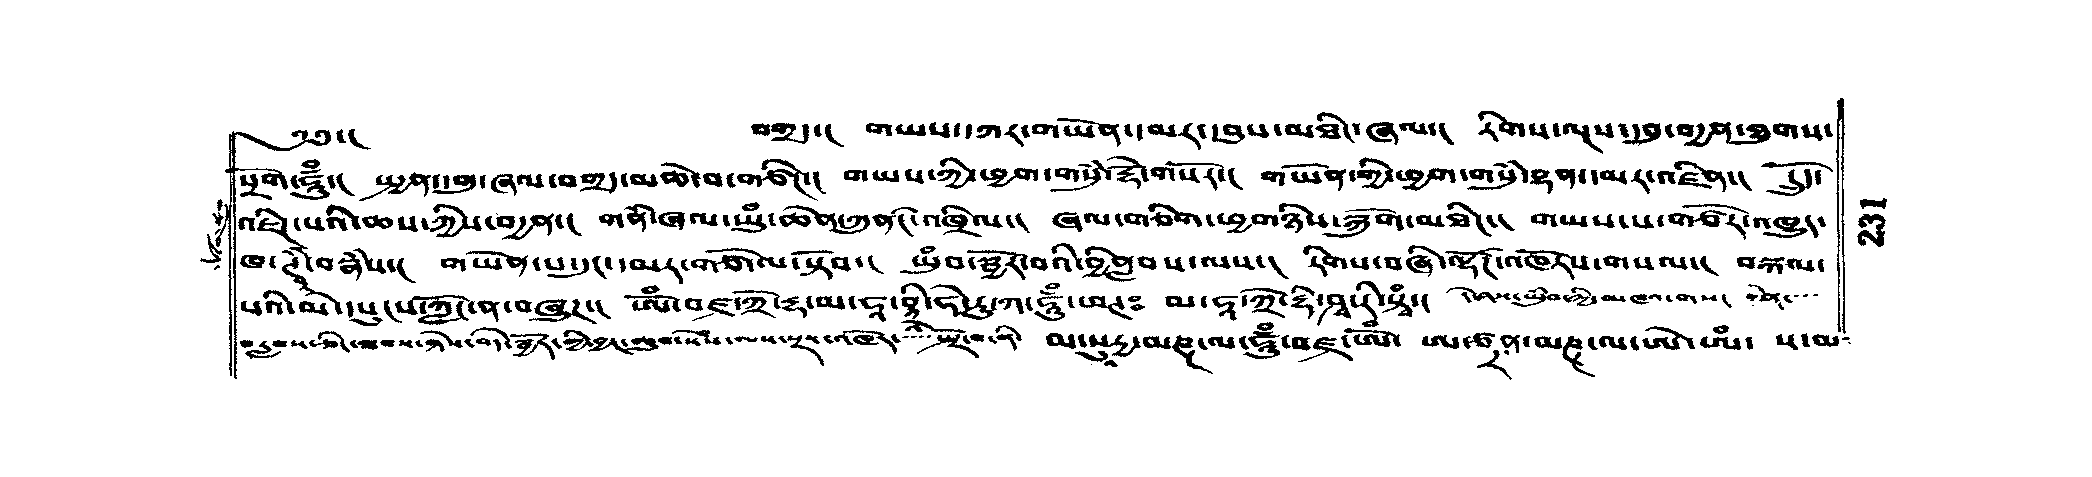བགྲད། །གཡས་དཀར་གཡོན་དམར་དབུས་མཐིང་ཞལ། །རིགས་ལྔས་དབུ་བརྒྱན་ཐུགས་
སྲོག་ཧཱུྃ། །སྤྱན་དགུ་ཞལ་བགྲད་མཆེ་བ་བཙིགས། །གཡས་ཀྱི་ཕྱག་གསུམ་རྡོ་རྗེ་གསོར། །གཡོན་གྱི་ཕྱག་གསུམ་བྷན་དམར་འཛིན། །དུར་ཁྲོད་
འཇིགས་པའི་ཆས་ཀྱིས་བརྒྱན། །གནམ་ཞལ་ཡུམ་ཆེན་ཀུན་བཟང་འཁྲིལ། །ཞལ་གཅིག་ཕྱག་གཉིས་སྐུ་མདོག་མཐིང་། །གཡས་པ་གཙོར་འཁྱུད་
ཁ་ཊྭཱཾ་བསྣམས། །གཡོན་པ་དུང་དམར་གཙོ་ལ་སྟོབ། །ཡབ་ཡུམ་སྦྱོར་བའི་བྱིན་རླབས་ལས། །རིགས་བཞི་ལྷ་ཚོགས་འཁོར་བཅས་གསལ། །བསྐལ་
པའི་མེ་དཔུང་ཀློང་ན་བཞུགས། ། ཨོཾ་བཛྲ་ཀྲོ་དྷ་མ་ཧཱ་ཤྲཱི་ཧེ་རུ་ཀ་ཧཱུྃ་ཕཊཿ མ་ཧཱ་ཀྲོ་དྷི་ཤྭ་རི་སྟྭ། དེ་ནས་ཡབ་ཡུམ་ཀྱི་མཁའ་གསང་བྱིན་
བརླབས་ཤིང་ཐབས་ཤེས་བདེ་སྦྱོར་གྱི་བྱང་ཆུབ་སེམས་ལས་སྲས་འཁོར་སྤྲོ་བ་ནི། མ་སུརྻ་མཎྜ་ལ་ཧཱུྃ་བཛྲ་ཨོཾ། ཨ་ཙནྡྲ་མཎྜ་ལ་ཨེ་ཨཾ། ས་མ་